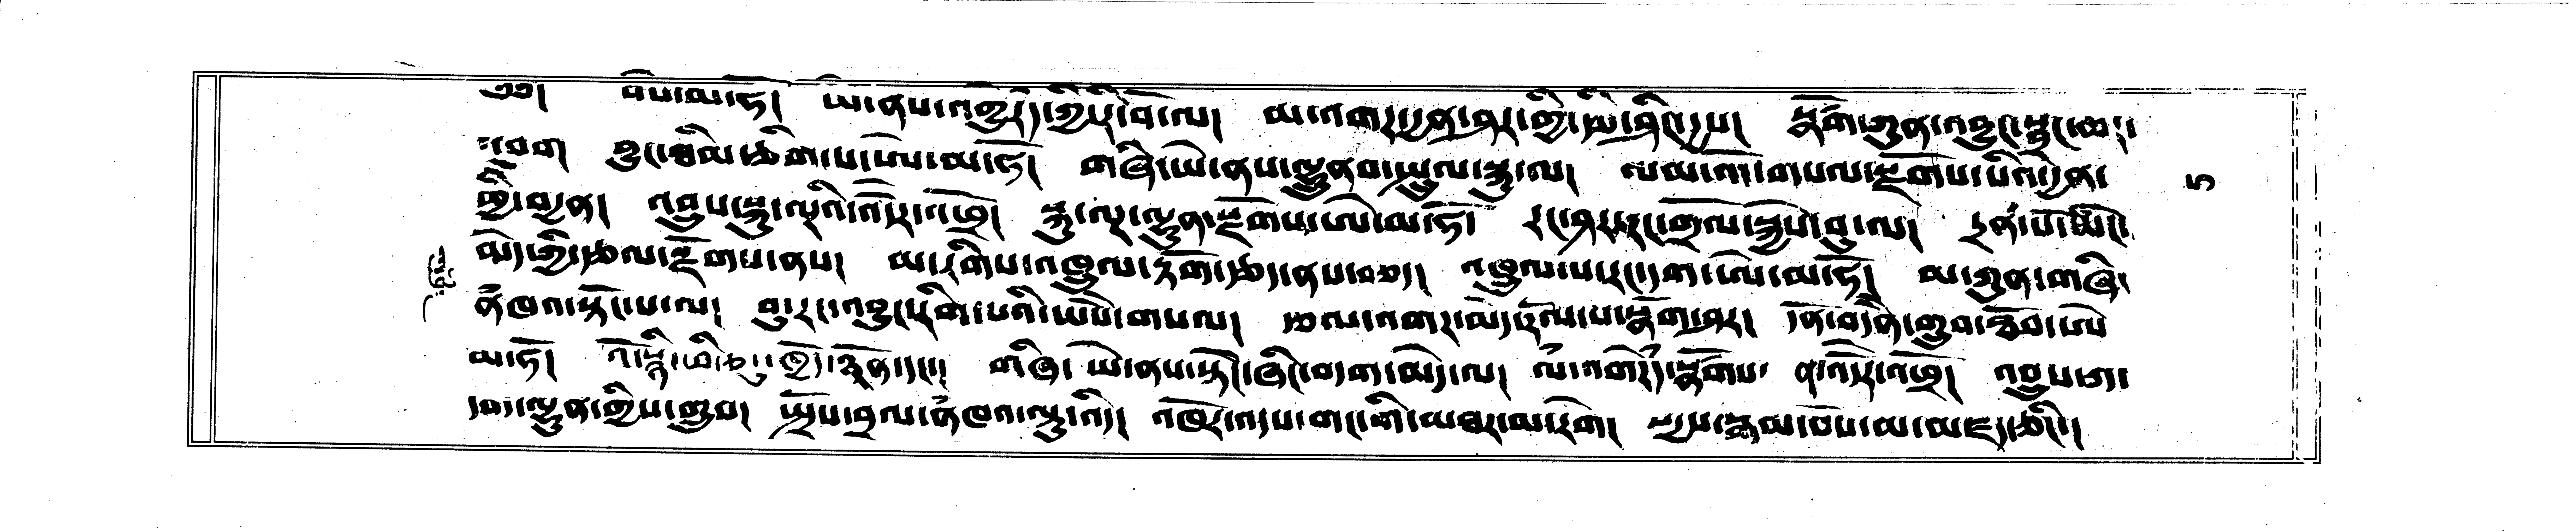ཨེ་མ་ཧོ། ཡེ་ནས་འགྱུར་མེད་ཀྱི་རི་བོ་ལ། མ་འགགས་རྒྱན་ཤར་གྱི་རྩི་ཤིང་རྒྱས། སྣ་ཚོགས་ཀུན་འབྱུང་སྦྲང་ཆར་
འབབས། བྱུང་ཐིམ་གཅིག་པ་ཨེ་མ་ཧོ། གཞི་ཡེ་ནས་ལྷུན་གྲུབ་སྤྲུལ་སྐུ་ལ། ལམ་འོད་གསལ་རྫོགས་པའི་རྒྱན་
གྱིས་བརྒྱན། འབྲས་བུ་སྐུ་ལྔའི་འོད་ཟེར་འཕྲོ། སྐུ་ལྔ་ལྷུན་རྫོགས་ཨེ་མ་ཧོ། རང་ཤར་རང་གྲོལ་སྐྱེས་བུ་ལ། དྲན་པ་ཡེངས་
མེད་ཀྱི་རྩལ་རྫོགས་ནས། མ་རིག་འཁྲུལ་རྟོག་རྩད་ནས་བཅད། འཁྲུལ་པ་རང་དག་ཨེ་མ་ཧོ། མ་ཀུན་གཞི་
ནམ་མཁའ་སྟོང་པ་ལ། བུ་རང་འབྱུང་རིག་པའི་ཡེ་ཤེས་གསལ། རྩལ་འགག་མེད་རོལ་པ་སྣ་ཚོགས་ཤར། དོན་བདེ་ཆེན་གྲུབ་ཐོབ་ཨེ་
མ་ཧོ། འོ་སྙིང་གི་བུ་ཁྱོད་ཉོན་དང་། གཞི་ཡེ་ནས་སྟོང་ཞིང་བདག་མེད་ལ། ལམ་འགག་མེད་སྣ་ཚོགས་འོད་ཟེར་འཕྲོ། འབྲས་བུ་ཀ་
དག་ལྷུན་གྱིས་གྲུབ། སྤྲོས་བྲལ་ནམ་མཁའ་ལྟ་བུ་འདི། འཁོར་འདས་གང་གིས་མཐར་མ་རེག །སངས་རྒྱས་སྒམ་པོས་མ་མཛད་ཅིང་།